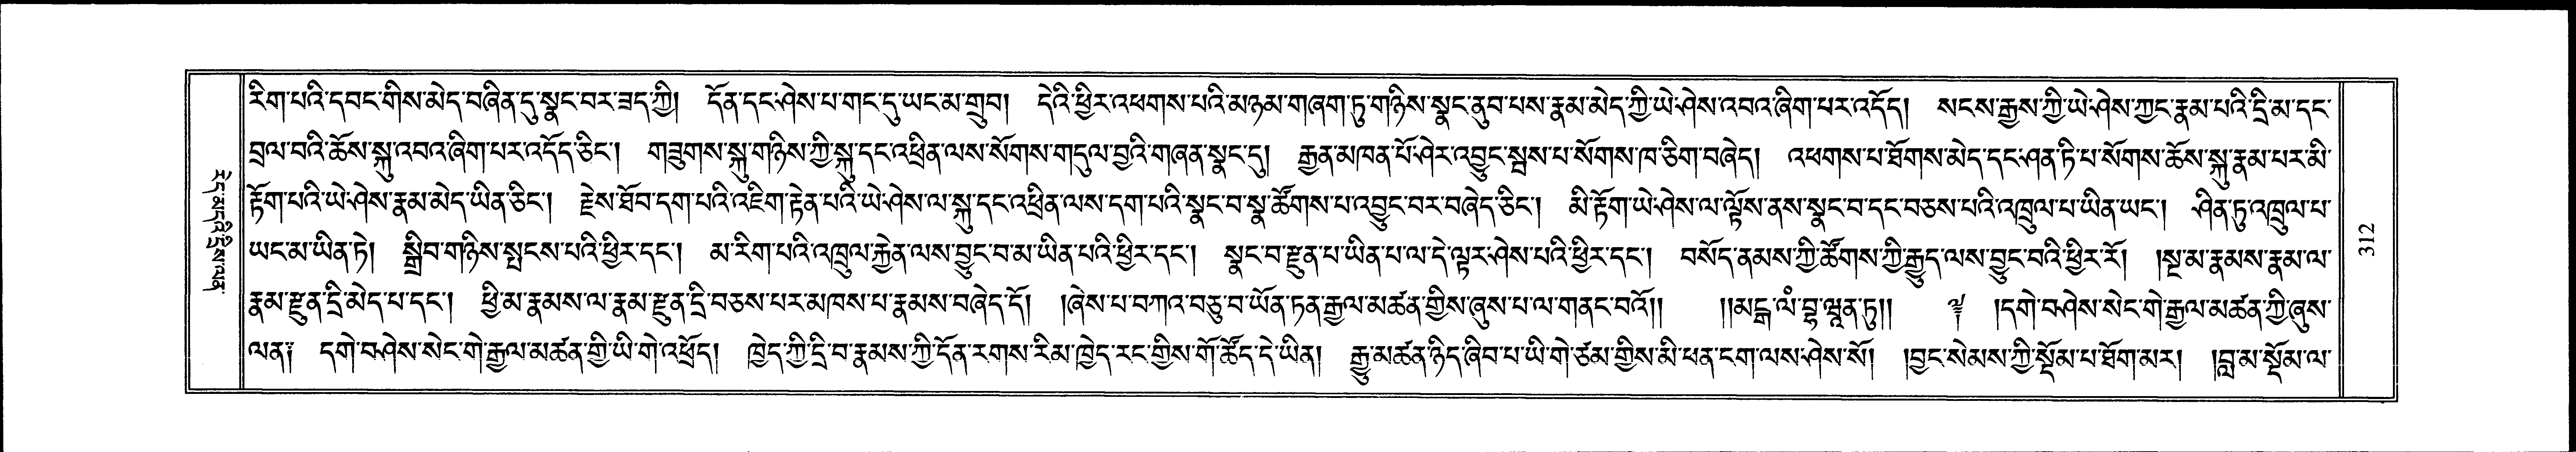རིག་པའི་དབང་གིས་མེད་བཞིན་དུ་སྣང་བར་ཟད་ཀྱི། དོན་དང་ཤེས་པ་གང་དུ་ཡང་མ་གྲུབ། དེའི་ཕྱིར་འཕགས་པའི་མཉམ་གཞག་ཏུ་གཉིས་སྣང་ནུབ་པས་རྣམ་མེད་ཀྱི་ཡེ་ཤེས་འབའ་ཞིག་པར་འདོད། སངས་རྒྱས་ཀྱི་ཡེ་ཤེས་ཀྱང་རྣམ་པའི་དྲི་མ་དང་
བྲལ་བའི་ཆོས་སྐུ་འབའ་ཞིག་པར་འདོད་ཅིང་། གཟུགས་སྐུ་གཉིས་ཀྱི་སྐུ་དང་འཕྲིན་ལས་སོགས་གདུལ་བྱའི་གཞན་སྣང་དུ། རྒྱན་མཁན་པོ་ཤེར་འབྱུང་སྦས་པ་སོགས་ཁ་ཅིག་བཞེད། འཕགས་པ་ཐོགས་མེད་དང་ཤན་ཏི་པ་སོགས་ཆོས་སྐུ་རྣམ་པར་མི་
རྟོག་པའི་ཡེ་ཤེས་རྣམ་མེད་ཡིན་ཅིང་། རྗེས་ཐོབ་དག་པའི་འཇིག་རྟེན་པའི་ཡེ་ཤེས་ལ་སྐུ་དང་འཕྲིན་ལས་དག་པའི་སྣང་བ་སྣ་ཚོགས་པ་འབྱུང་བར་བཞེད་ཅིང་། མི་རྟོག་ཡེ་ཤེས་ལ་ལྟོས་ནས་སྣང་བ་དང་བཅས་པའི་འཁྲུལ་པ་ཡིན་ཡང་། ཤིན་ཏུ་འཁྲུལ་པ་
ཡང་མ་ཡིན་ཏེ། སྒྲིབ་གཉིས་སྤངས་པའི་ཕྱིར་དང་། མ་རིག་པའི་འཁྲུལ་རྐྱེན་ལས་བྱུང་བ་མ་ཡིན་པའི་ཕྱིར་དང་། སྣང་བ་རྫུན་པ་ཡིན་པ་ལ་དེ་ལྟར་ཤེས་པའི་ཕྱིར་དང་། བསོད་ནམས་ཀྱི་ཚོགས་ཀྱི་རྒྱུད་ལས་བྱུང་བའི་ཕྱིར་རོ། །སྔ་མ་རྣམས་རྣམ་ལ་
རྣམ་རྫུན་དྲི་མེད་པ་དང་། ཕྱི་མ་རྣམས་ལ་རྣམ་རྫུན་དྲི་བཅས་པར་མཁས་པ་རྣམས་བཞེད་དོ། །ཞེས་པ་བཀའ་བཅུ་བ་ཡོན་ཏན་རྒྱལ་མཚན་གྱིས་ཞུས་པ་ལ་གནང་བའོ།། །།མངྒ་ལཾ་བྷ་ཝཱན་ཏུ།། ༈ །དགེ་བཤེས་སེང་གེ་རྒྱལ་མཚན་ཀྱི་ཞུས་
ལན། དགེ་བཤེས་སེང་གེ་རྒྱལ་མཚན་གྱི་ཡེ་གེ་འཕྲོད། ཁྱེད་ཀྱི་དྲི་བ་རྣམས་ཀྱི་དོན་རགས་རིམ་ཁྱེད་རང་གྱིས་གོ་ཚོད་དེ་ཡིན། རྒྱུ་མཚན་ཉིད་ཞིབ་པ་ཡི་གེ་ཙམ་གྱིས་མི་ཕན་ངག་ལས་ཤེས་སོ། །བྱང་སེམས་ཀྱི་སྡོམ་པ་ཐོག་མར། །བླ་མ་སྡོམ་ལ་